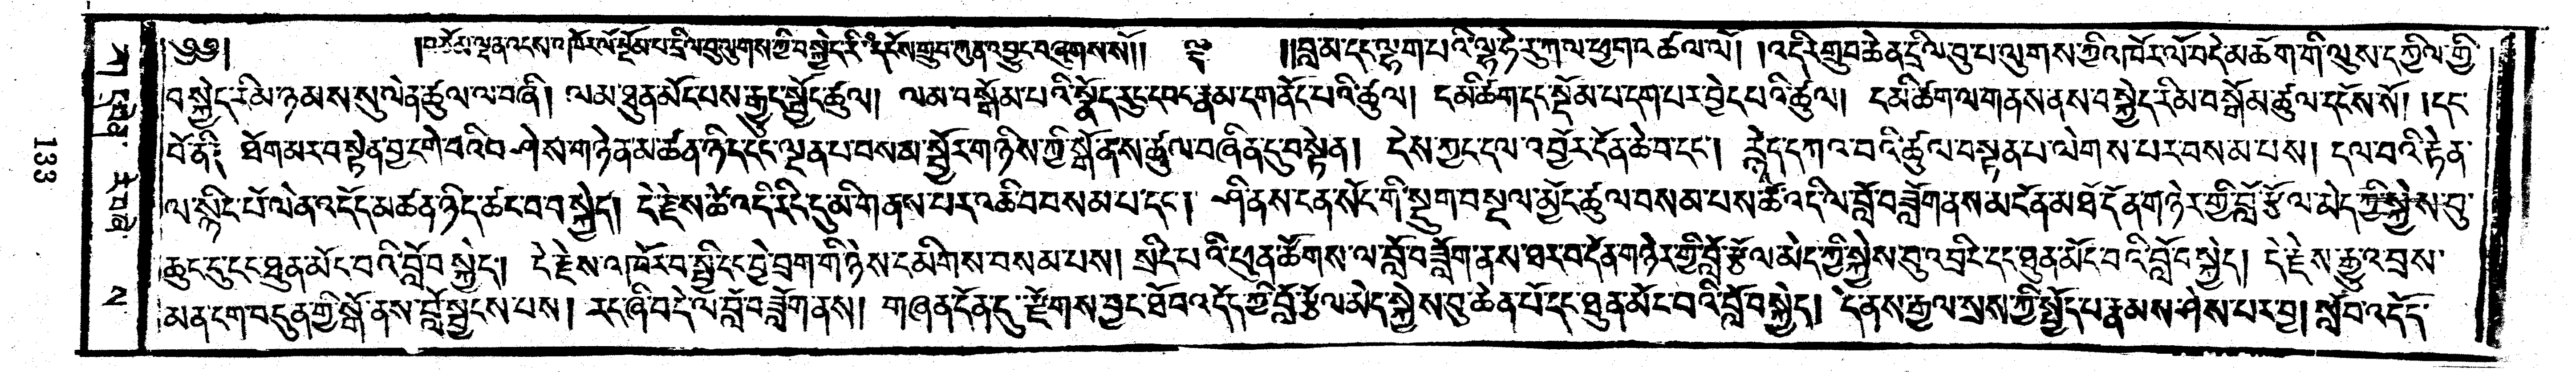༄༅། །བཅོམ་ལྡན་འདས་འཁོར་ལོ་སྡོམ་པ་དྲིལ་བུ་ལུགས་ཀྱི་བསྐྱེད་རིཾ་དངོས་གྲུབ་ཀུན་འབྱུང་བཞུགས་སོ།། ༈ །།བླ་མ་དང་ལྷག་པའི་ལྷ་ཧེ་རུ་ཀ་ལ་ཕྱག་འཚལ་ལོ། །འདིར་གྲུབ་ཆེན་དྲིལ་བུ་པ་ལུགས་ཀྱི་འཁོར་ལོ་བདེ་མཆོག་གི་ལུས་དཀྱིལ་གྱི་
བསྐྱེད་རིམ་ཉམས་སུ་ལེན་ཚུལ་ལ་བཞི། ལམ་ཐུན་མོང་པས་རྒྱུད་སྦྱོད་ཚུལ། ལམ་བསྒོམ་པའི་སྣོད་རུང་དབང་རྣམ་དག་ནོད་པའི་ཚུལ། དམ་ཚིག་དང་སྡོམ་པ་དག་པར་བྱེད་པའི་ཚུལ། དམ་ཚིག་ལ་གནས་ནས་བསྐྱེད་རིམ་བསྒོམ་ཚུལ་དངོས་སོ། །དང་
པོ་ནི༑ ཐོག་མར་བསྟེན་བྱ་དགེ་བའི་བཤེས་གཉེན་མཚན་ཉིད་དང་ལྡན་པ་བསམ་སྦྱོར་གཉིས་ཀྱི་སྒོ་ནས་ཚུལ་བཞིན་དུ་བསྟེན། དེས་ཀྱང་དལ་འབྱོར་དོན་ཆེ་བ་དང་། རྙེད་དཀའ་བའི་ཚུལ་བསྟན་པ་ལེགས་པར་བསམ་པས། དལ་བའི་རྟེན་
ལ་སྙིང་པོ་ལེན་འདོད་མཚན་ཉིད་ཚང་བ་བསྐྱེད། དེ་རྗེས་ཚེ་འདི་རིང་དུ་མི་གནས་པར་འཆིབ་བསམ་པ་དང་། ཤི་ནས་ངན་སོང་གི་སྡུག་བསྔལ་མྱོང་ཚུལ་བསམ་པས་ཚེ་འདི་ལ་བློ་བཟློག་ནས་མངོན་མཐོ་དོན་གཉེར་གྱི་བློ་རྩོལ་མེད་ཀྱི་སྐྱེས་བུ་
ཆུང་དུ་དང་ཐུན་མོང་བའི་བློ་བསྐྱེད། དེ་རྗེས་འཁོར་བ་སྤྱི་དང་བྱེ་བྲག་གི་ཉེས་དམིགས་བསམ་པས། སྲིད་པའི་ཕུན་ཚོགས་ལ་བློ་བཟློག་ནས་ཐར་བ་དོན་གཉེར་གྱི་བློ་རྩོལ་མེད་ཀྱི་སྐྱེས་བུ་འབྲིང་དང་ཐུན་མོང་བའི་བློ་བསྐྱེད། དེ་རྗེས་རྒྱུ་འབྲས་
མན་ངག་བདུན་གྱི་སྒོ་ནས་བློ་སྦྱངས་པས། རང་ཞི་བདེ་ལ་བློ་བཟློག་ནས། གཞན་དོན་དུ་རྫོགས་བྱང་ཐོབ་འདོད་ཀྱི་བློ་རྩོལ་མེད་སྐྱེས་བུ་ཆེན་པོ་དང་ཐུན་མོང་བའི་བློ་བསྐྱེད། དེ་ནས་རྒྱལ་སྲས་ཀྱི་སྤྱོད་པ་རྣམས་ཤེས་པར་བྱ། སློབ་འདོད་